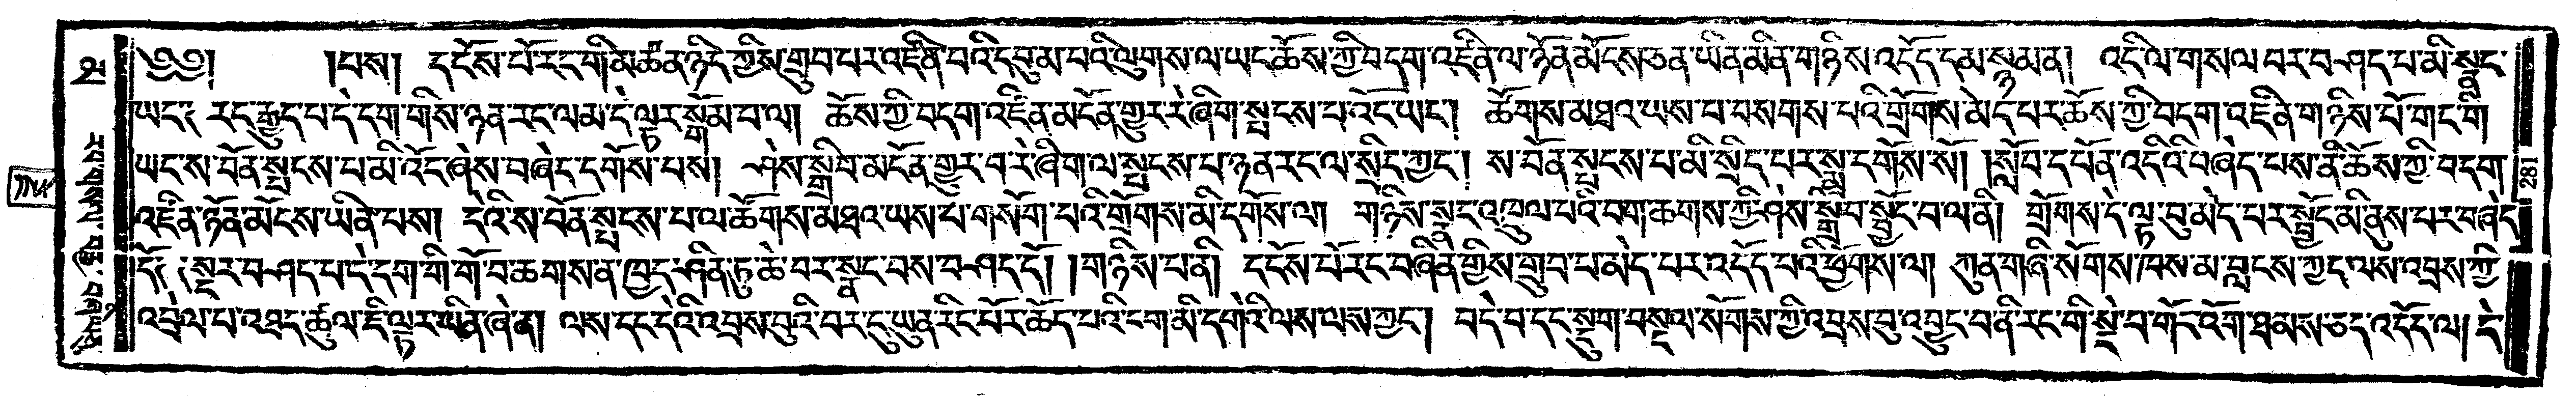༄༅། །པས། དངོས་པོ་རང་གི་མཚན་ཉིད་ཀྱིས་གྲུབ་པར་འཛིན་པའི་དབུ་མ་པའི་ལུགས་ལ་ཡང་ཆོས་ཀྱི་བདག་འཛིན་ལ་ཉོན་མོངས་ཅན་ཡིན་མིན་གཉིས་འདོད་དམ་སྙམ་ན། འདི་ལ་གསལ་བར་བཤད་པ་མི་སྣང་
ཡང༑ རང་རྒྱུད་པ་དེ་དག་གིས་ཉན་རང་ལམ་དེ་ལྟར་སྒོམ་པ་ལ། ཆོས་ཀྱི་བདག་འཛིན་མངོན་གྱུར་རེ་ཞིག་སྤངས་པ་འོང་ཡང་། ཚོགས་མཐའ་ཡས་པ་བསགས་པའི་གྲོགས་མེད་པར་ཆོས་ཀྱི་བདག་འཛིན་གཉིས་པོ་གང་གི་
ཡང་ས་བོན་སྤངས་པ་མི་འོང་ཞེས་བཞེད་དགོས་པས། ཤེས་སྒྲིབ་མངོན་གྱུར་བ་རེ་ཞིག་ལ་སྤངས་པ་ཉན་རང་ལ་སྲིད་ཀྱང་། ས་བོན་སྤངས་པ་མི་སྲིད་པར་སྨྲ་དགོས་སོ། །སློབ་དཔོན་འདིའི་བཞེད་པས་ནི་ཆོས་ཀྱི་བདག་
འཛིན་ཉོན་མོངས་ཡིན་པས། དེའི་ས་བོན་སྤངས་པ་ལ་ཚོགས་མཐའ་ཡས་པ་གསོག་པའི་གྲོགས་མི་དགོས་ལ། གཉིས་སྣང་འཁྲུལ་པའི་བག་ཆགས་ཀྱི་ཤེས་སྒྲིབ་སྦྱོང་བ་ལ་ནི། གྲོགས་དེ་ལྟ་བུ་མེད་པར་སྦྱོང་མི་ནུས་པར་བཞེད་
དོ༑ ༑སྔར་བཤད་པ་དེ་དག་གི་གོ་བ་ཆགས་ན་ཁྱད་ཤིན་ཏུ་ཆེ་བར་སྣང་བས་བཤད་དོ། །གཉིས་པ་ནི། དངོས་པོ་རང་བཞིན་གྱིས་གྲུབ་པ་མེད་པར་འདོད་པའི་ཕྱོགས་ལ། ཀུན་གཞི་སོགས་ཁས་མ་བླངས་ཀྱང་ལས་འབྲས་ཀྱི་
འབྲེལ་པ་འཐད་ཚུལ་ཇི་ལྟར་ཡིན་ཞེ་ན། ལས་དང་དེའི་འབྲས་བུའི་བར་དུ་ཡུན་རིང་པོར་ཆོད་པའི་དགེ་མི་དགེའི་ལས་ལས་ཀྱང་། བདེ་བ་དང་སྡུག་བསྔལ་སོགས་ཀྱི་འབྲས་བུ་འབྱུང་བ་ནི་རང་གི་སྡེ་པ་གོང་འོག་ཐམས་ཅད་འདོད་ལ། དེ་